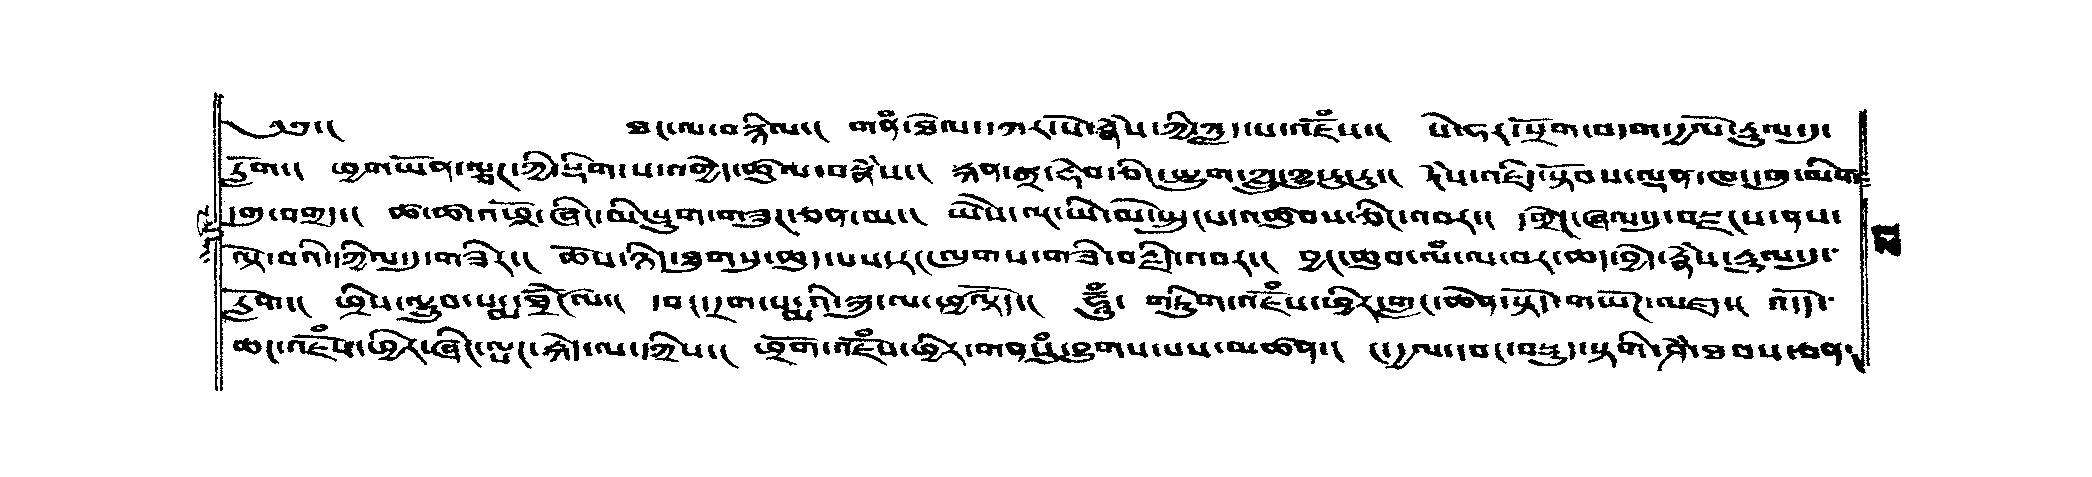ཐང་ལ་བསྙིལ། །གནམ་ཐེལ་དཀར་པོ་རྣམས་ཀྱི་ཀླད་པ་འཇོམས། །པེ་ཧར་སྲོག་བདག་རྒྱལ་པོ་རྡུལ་དུ་
རློག་།ཕྱག་གཡོན་ལྕགས་ཀྱི་སྡིག་པ་འགྱེད་ཚུལ་བསྣམས། །རྐན་སྒྲ་རྡེབ་ཅིང་སྤྱུག་ཀླུ་ཀུ་རུ་རུ། །རྔམས་བརྗིད་སྟོབས་ལྡན་ཁ་དགུ་མིག་
དགུ་བགྲད། །ཚ་ཚ་འཕྲོ་ཞིང་མི་སྡུག་གཟུགས་ཅན་མ། །ཡེ་ཤེས་ལྔ་ཡི་མེ་དཔུང་འཚུབས་ཤིང་འབར། །དགྲ་དགེགས་ཞལ་དུ་བརྫངས་ནས་
ལྟོ་བའི་དཀྱིལ་དུ་གཟིར། ཆོས་ཉིད་ཐུགས་སུ་ཆུད་པས་རང་ལུགས་གཟི་བརྗིད་འབར། བྱང་ཆུབ་ལམ་ལ་བར་ཆད་བྱེད་རྣམས་རྡུལ་དུ་
རློག་ཕྲིན་ལས་ལྷུན་གྲུབ་པདྨ་ཐོད་ཕྲེང་རྩལ། །དབང་དྲག་པདྨའི་སྐུ་ལ་ཕྱག་འཚལ་བསྟོད། །ཧཱུྃ། གཏི་མུག་འཇོམས་ཕྱིར་གླང་ཆེན་སྟོད་གཡོག་མཛད། །འདོད་
ཆགས་འཇོམས་ཕྱིར་ཞིང་ལྤགས་རྐེད་ལ་དཀྲིས། །ཕྲག་དོག་འཇོམས་ཕྱིར་གནས་སུ་བྱུགས་པས་མཚན། །ང་རྒྱལ་དབང་བསྡུད་སྟག་གི་ཤམ་ཐབས་ཅན། །